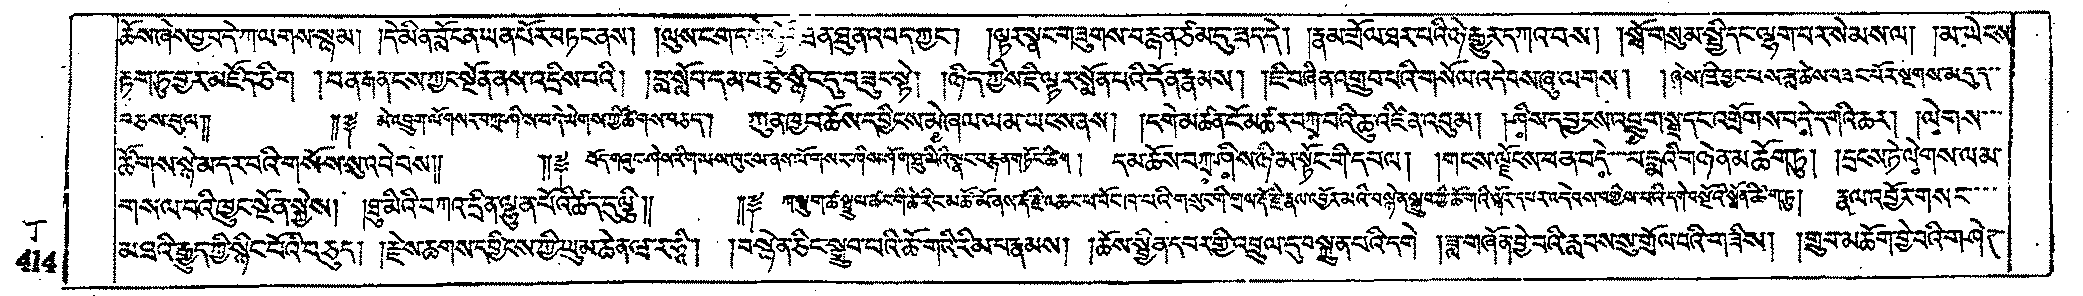ཆོས་ཞེས་བྱ་བ་དེ་ཀ་ལགས་སྙམ། །དེ་མིན་བློ་ངན་ཡན་པོར་བཏང་ནས། །ལུས་ངག་དགེ་སྦྱོར་ཐན་ཐུན་འབད་ཀྱང་། །ལྟར་སྣང་གཟུགས་བརྙན་ཙམ་དུ་ཟད་དེ། །རྣམ་གྲོལ་ཐར་པའི་ཉེ་རྒྱུར་དཀའ་བས། །སྒོ་གསུམ་སྤྱི་དང་ལྷག་པར་སེམས་ལ། །མ་ཡེངས་
རྟག་ཏུ་བྱར་མཛོད་ཅིག །བན་རྒན་ངས་ཀྱང་སྔོན་ནས་འདྲིས་པའི། །བླ་སློབ་དམ་བརྩེ་སྙིང་དུ་བཟུང་སྟེ། །ཉིད་ཀྱིས་ཇི་ལྟར་སྨོན་པའི་དོན་རྣམས། །ཇི་བཞིན་འགྲུབ་པའི་གསོལ་འདེབས་ཞུ་ལགས། །ཞེས་ཁྲི་བྱང་པས་ཟླ་ཚེས་བཟང་པོར་སྔགས་མདུད་་་
བཅས་ཕུལ།། །། འ་མེ་འབྲུག་ལོ་གསར་བཀྲ་ཤིས་བདེ་ལེགས་ཀྱི་ཚིགས་བཅད། ཀུན་ཁྱབ་ཆོས་དབྱིངས་མེ྾་ཞལ་ལམ་ཡངས་ནས། །དགེ་མཚན་ངོ་མཚར་བཀྲ྾་བའི་ཆུ་འཛིན་འབུམ། །ཤིས྾་དབྱངས་འབྲུག྾་སྒྲ་དང་འགྲོགས་བདེ྾་དགའི་ཆར། །ལེགས྾་་་
ཚོགས་སྙེ་མ་དར་བའི་གསོས་སུ་འབེབས།། །། འ་བོད་གཞུང་ཤེས་རིག་ལས་ཁུངས་ནས་ལོ་གསར་ཤིས་ཤོག་ཐུ་མིའི་སྣང་བརྙན་གཏོང་ཚིག །  དམ་ཆོས་བཀྲ྾་ཤིས྾་ཉི་མ་སྟོང་གི་དཔལ། །གངས་ལྗོངས་ཕན་བདེ྾་་་པདམའི་གཉེན་མཆོག་ཏུ། །དྲངས་ཏེ་ལེགས྾་ལམ་
གསལ་བའི་ཁྱུང་སྔོན་སྐྱེས། །ཐུ་མིའི་བཀའ་དྲིན་ལྷུན་པོའི་ཚད་དུ་ལྕི།། །། འ་ཀ་སྤུག་ཚ་སྤྲུལ་ཚང་གི་རིང་མཚོ་མོ་ནས་རྡོ་རྗེ་འཆང་ཕ་བོང་ཁ་པའི་གསུང་གི་གྲས་རྡོ་རྗེ་རྣལ་འབྱོར་མའི་བསྙེན་སྒྲུབ་ཀྱི་ཆོ་གའི་སྐོར་དཔར་འདེབས་བགྱིས་པའི་དགེ་བསྔོའི་སྨོན་ཚིག་ཏུ།  རྣལ་འབྱོར་གསང་་་
མཐའི་རྒྱུད་ཀྱི་སྙིང་པོའི་བཅུད། །རྗེས་ཆགས་དབྱིངས་ཀྱི་ཡུམ་ཆེན་ཝ་ར་ཧཱི། །བསྙེན་ཅིང་སྒྲུབ་པའི་ཆོ་གའི་རིམ་པ་རྣམས། །ཆོས་སྦྱིན་དཔར་གྱི་འཕྲུལ་དུ་བསྐྲུན་པའི་དགེ །ཟླ་གཞོན་བྱེ་བའི་རླབས་སུ་གྲོལ་བའི་གཟིས། །གྲུབ་མཆོག་བྱེ་བའི་གཤེཌ་